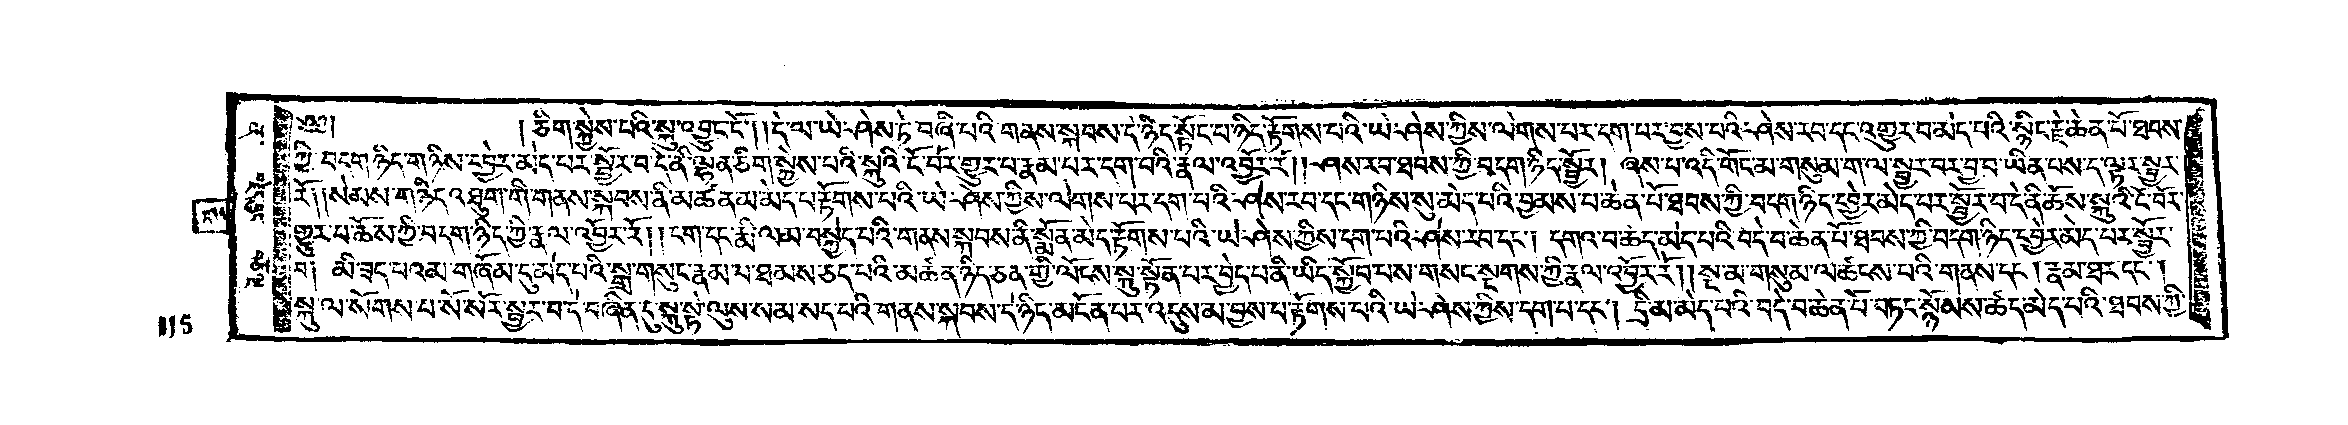༄༅། །ཅིག་སྐྱེས་པའི་སྐུ་འབྱུང་ངོ། །དེ་ལ་ཡེ་ཤེས་ཏེ་བཞི་པའི་གནས་སྐབས་དེ་ཉིད་སྟོང་པ་ཉིད་རྟོགས་པའི་ཡེ་ཤེས་ཀྱིས་ལེགས་པར་དག་པར་བྱས་པའི་ཤེས་རབ་དང་འགྱུར་བ་མེད་པའི་སྙིང་རྗེ་ཆེན་པོ་ཐབས་
ཀྱི་བདག་ཉིད་གཉིས་དབྱེར་མེད་པར་སྦྱོར་བ་དེ་ནི་ལྷན་ཅིག་སྐྱེས་པའི་སྐུའི་ངོ་བོར་གྱུར་པ་རྣམ་པར་དག་པའི་རྣལ་འབྱོར་རོ། །ཤེས་རབ་ཐབས་ཀྱི་བདག་ཉིད་སྦྱོར། ཞེས་པ་འདི་གོང་མ་གསུམ་ག་ལ་སྦྱར་བར་བྱ་བ་ཡིན་པས་དེ་ལྟར་སྦྱར་
རོ། །སེམས་གཉིད་འཐུག་གི་གནས་སྐབས་ནི་མཚན་མ་མེད་པ་རྟོགས་པའི་ཡེ་ཤེས་ཀྱིས་ལེགས་པར་དག་པའི་ཤེས་རབ་དང་གཉིས་སུ་མེད་པའི་བྱམས་པ་ཆེན་པོ་ཐབས་ཀྱི་བདག་ཉིད་དབྱེར་མེད་པར་སྦྱོར་བ་དེ་ནི་ཆོས་སྐུའི་ངོ་བོར་
གྱུར་པ་ཆོས་ཀྱི་བདག་ཉིད་ཀྱི་རྣལ་འབྱོར་རོ། །ངག་དང་རྨི་ལམ་བསྐྱེད་པའི་གནས་སྐབས་ནི་སྨོན་མེད་རྟོགས་པའི་ཡེ་ཤེས་ཀྱིས་དག་པའི་ཤེས་རབ་དང་། དགའ་བ་ཆེད་མེད་པའི་བདེ་བ་ཆེན་པོ་ཐབས་ཀྱི་བདག་ཉིད་དབྱེར་མེད་པར་སྦྱོར་
བ། མི་ཟད་པའམ་གཞོམ་དུ་མེད་པའི་སྒྲ་གསུང་རྣམ་པ་ཐམས་ཅད་པའི་མཚན་ཉིད་ཅན་གྱི་ལོངས་སྐུ་སྟོན་པར་བྱེད་པ་ནི་ཡིད་སྐྱོབ་པས་གསང་སྔགས་ཀྱི་རྣལ་འབྱོར་རོ། །སྔ་མ་གསུམ་ལ་ཚངས་པའི་གནས་དང་། རྣམ་ཐར་དང་།
སྐུ་ལ་སོགས་པ་སོ་སོར་སྦྱར་བ་དེ་བཞིན་དུ་སྐུ་སྟེ་ལུས་སམ་སད་པའི་གནས་སྐབས་དེ་ཉིད་མངོན་པར་འདུས་མ་བྱས་པ་རྟོགས་པའི་ཡེ་ཤེས་ཀྱིས་དག་པ་དང་། དྲི་མ་མེད་པའི་བདེ་བ་ཆེན་པོ་བཏང་སྙོམས་ཚད་མེད་པའི་ཐབས་ཀྱི་